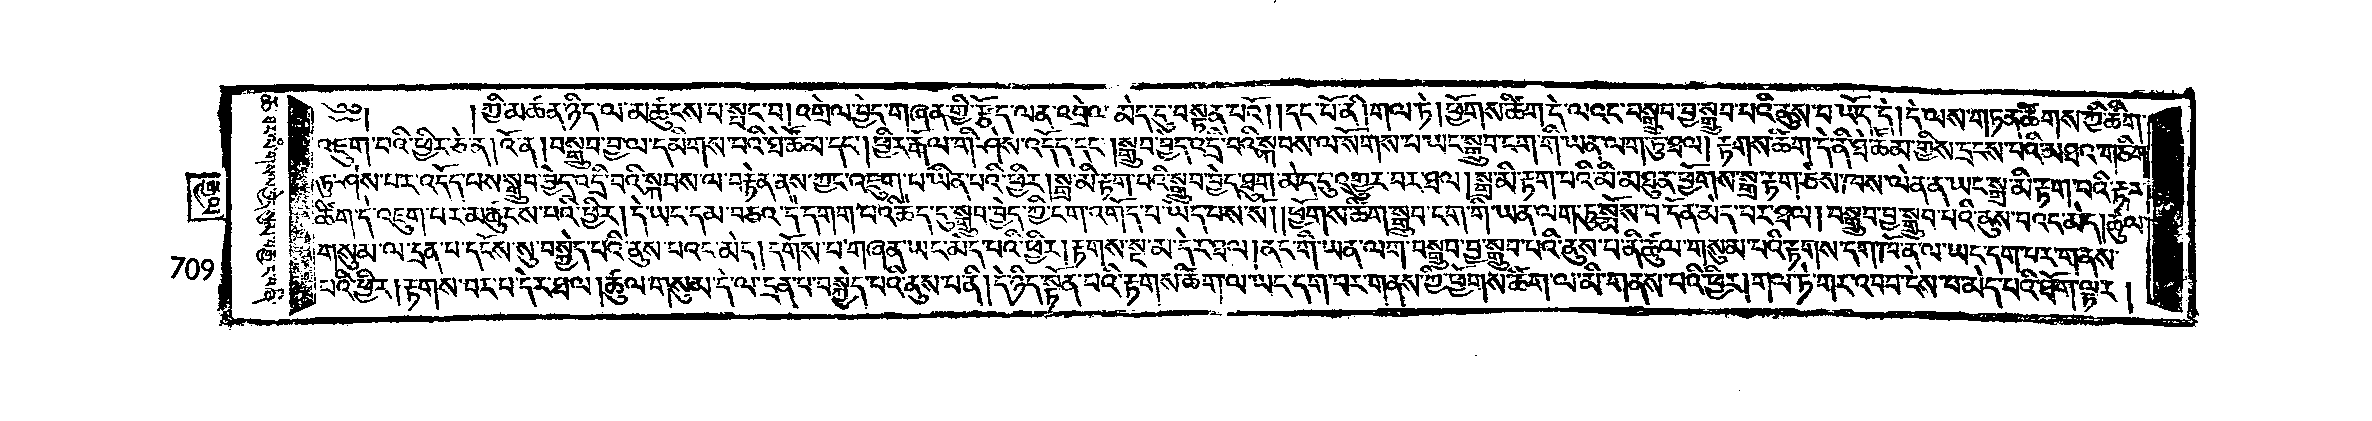༄༅། །ཀྱི་མཚན་ཉིད་ལ་མཚུངས་པ་སྤང་བ། འགྲེལ་བྱེད་གཞན་གྱི་རྩོད་ལན་འབྲེལ་མེད་དུ་བསྟན་པའོ། །དང་པོ་ནི། གལ་ཏེ། ཕྱོགས་ཚིག་དེ་ལའང་བསྒྲུབ་བྱ་སྒྲུབ་པའི་ནུས་པ་ཡོད་དེ། དེ་ལས་གཏན་ཚིགས་ཀྱི་ཚིག་
འཇུག་པའི་ཕྱིར་ཅེ་ན། འོ་ན། བསྒྲུབ་བྱ་ལ་དམིགས་པའི་ཐེ་ཚོམ་དང་། ཕྱིར་རྒོལ་གི་ཤེས་འདོད་དང་། སྒྲུབ་བྱེད་འདྲི་བའི་སྐབས་ལ་སོགས་པ་ཡང་སྒྲུབ་ངག་གི་ཡན་ལག་ཏུ་ཐལ། རྟགས་ཚིག་དེ་ནི་ཐེ་ཚོམ་གྱིས་དྲངས་པའི་མཐའ་གཅིག་
ཏུ་ཤེས་པར་འདོད་པས་སྒྲུབ་བྱེད་འདྲི་བའི་སྐབས་ལ་བརྟེན་ནས་ཀྱང་འཇུག་པ་ཡིན་པའི་ཕྱིར། སྒྲ་མི་རྟག་པའི་སྒྲུབ་བྱེད་ཐུག་མེད་དུ་འགྱུར་བར་ཐལ། སྒྲ་མི་རྟག་པའི་མི་མཐུན་ཕྱོགས་སྒྲ་རྟག་ཅེས་ཁས་ལེན་ན་ཡང་སྒྲ་མི་རྟག་པའི་རྟགས་
ཚིག་དེ་འཇུག་པར་མཚུངས་པའི་ཕྱིར། དེ་ཡང་དམ་བཅའ་དེ་དགག་པའི་ཆེད་དུ་སྒྲུབ་བྱེད་ཀྱི་ངག་འགོད་པ་ཡོད་པས་སོ། །ཕྱོགས་ཚིག་སྒྲུབ་ངག་གི་ཡན་ལག་ཏུ་སྨོས་པ་དོན་མེད་པར་ཐལ། བསྒྲུབ་བྱ་སྒྲུབ་པའི་ནུས་པའང་མེད། ཚུལ་
གསུམ་ལ་དྲན་པ་དངོས་སུ་བསྐྱེད་པའི་ནུས་པའང་མེད། དགོས་པ་གཞན་ཡང་མེད་པའི་ཕྱིར་།རྟགས་སྔ་མ་དེར་ཐལ། ནང་གི་ཡན་ལག་བསྒྲུབ་བྱ་སྒྲུབ་པའི་ནུས་པ་ནི་ཚུལ་གསུམ་པའི་རྟགས་དག་ཁོ་ན་ལ་ཡང་དག་པར་གནས་
པའི་ཕྱིར། རྟགས་པར་པ་དེར་ཐལ། ཚུལ་གསུམ་དེ་ལ་དྲན་པ་བསྐྱེད་པའི་ནུས་པ་ནི། དེ་ཉིད་སྟོན་པའི་རྟགས་ཚིག་ལ་ཡང་དག་པར་གནས་ཀྱི་ཕྱོགས་ཚིག་ལ་མི་གནས་པའི་ཕྱིར། གལ་ཏེ་གར་འབབ་ངེས་པ་མེད་པའི་ཐོག་ལྟར།